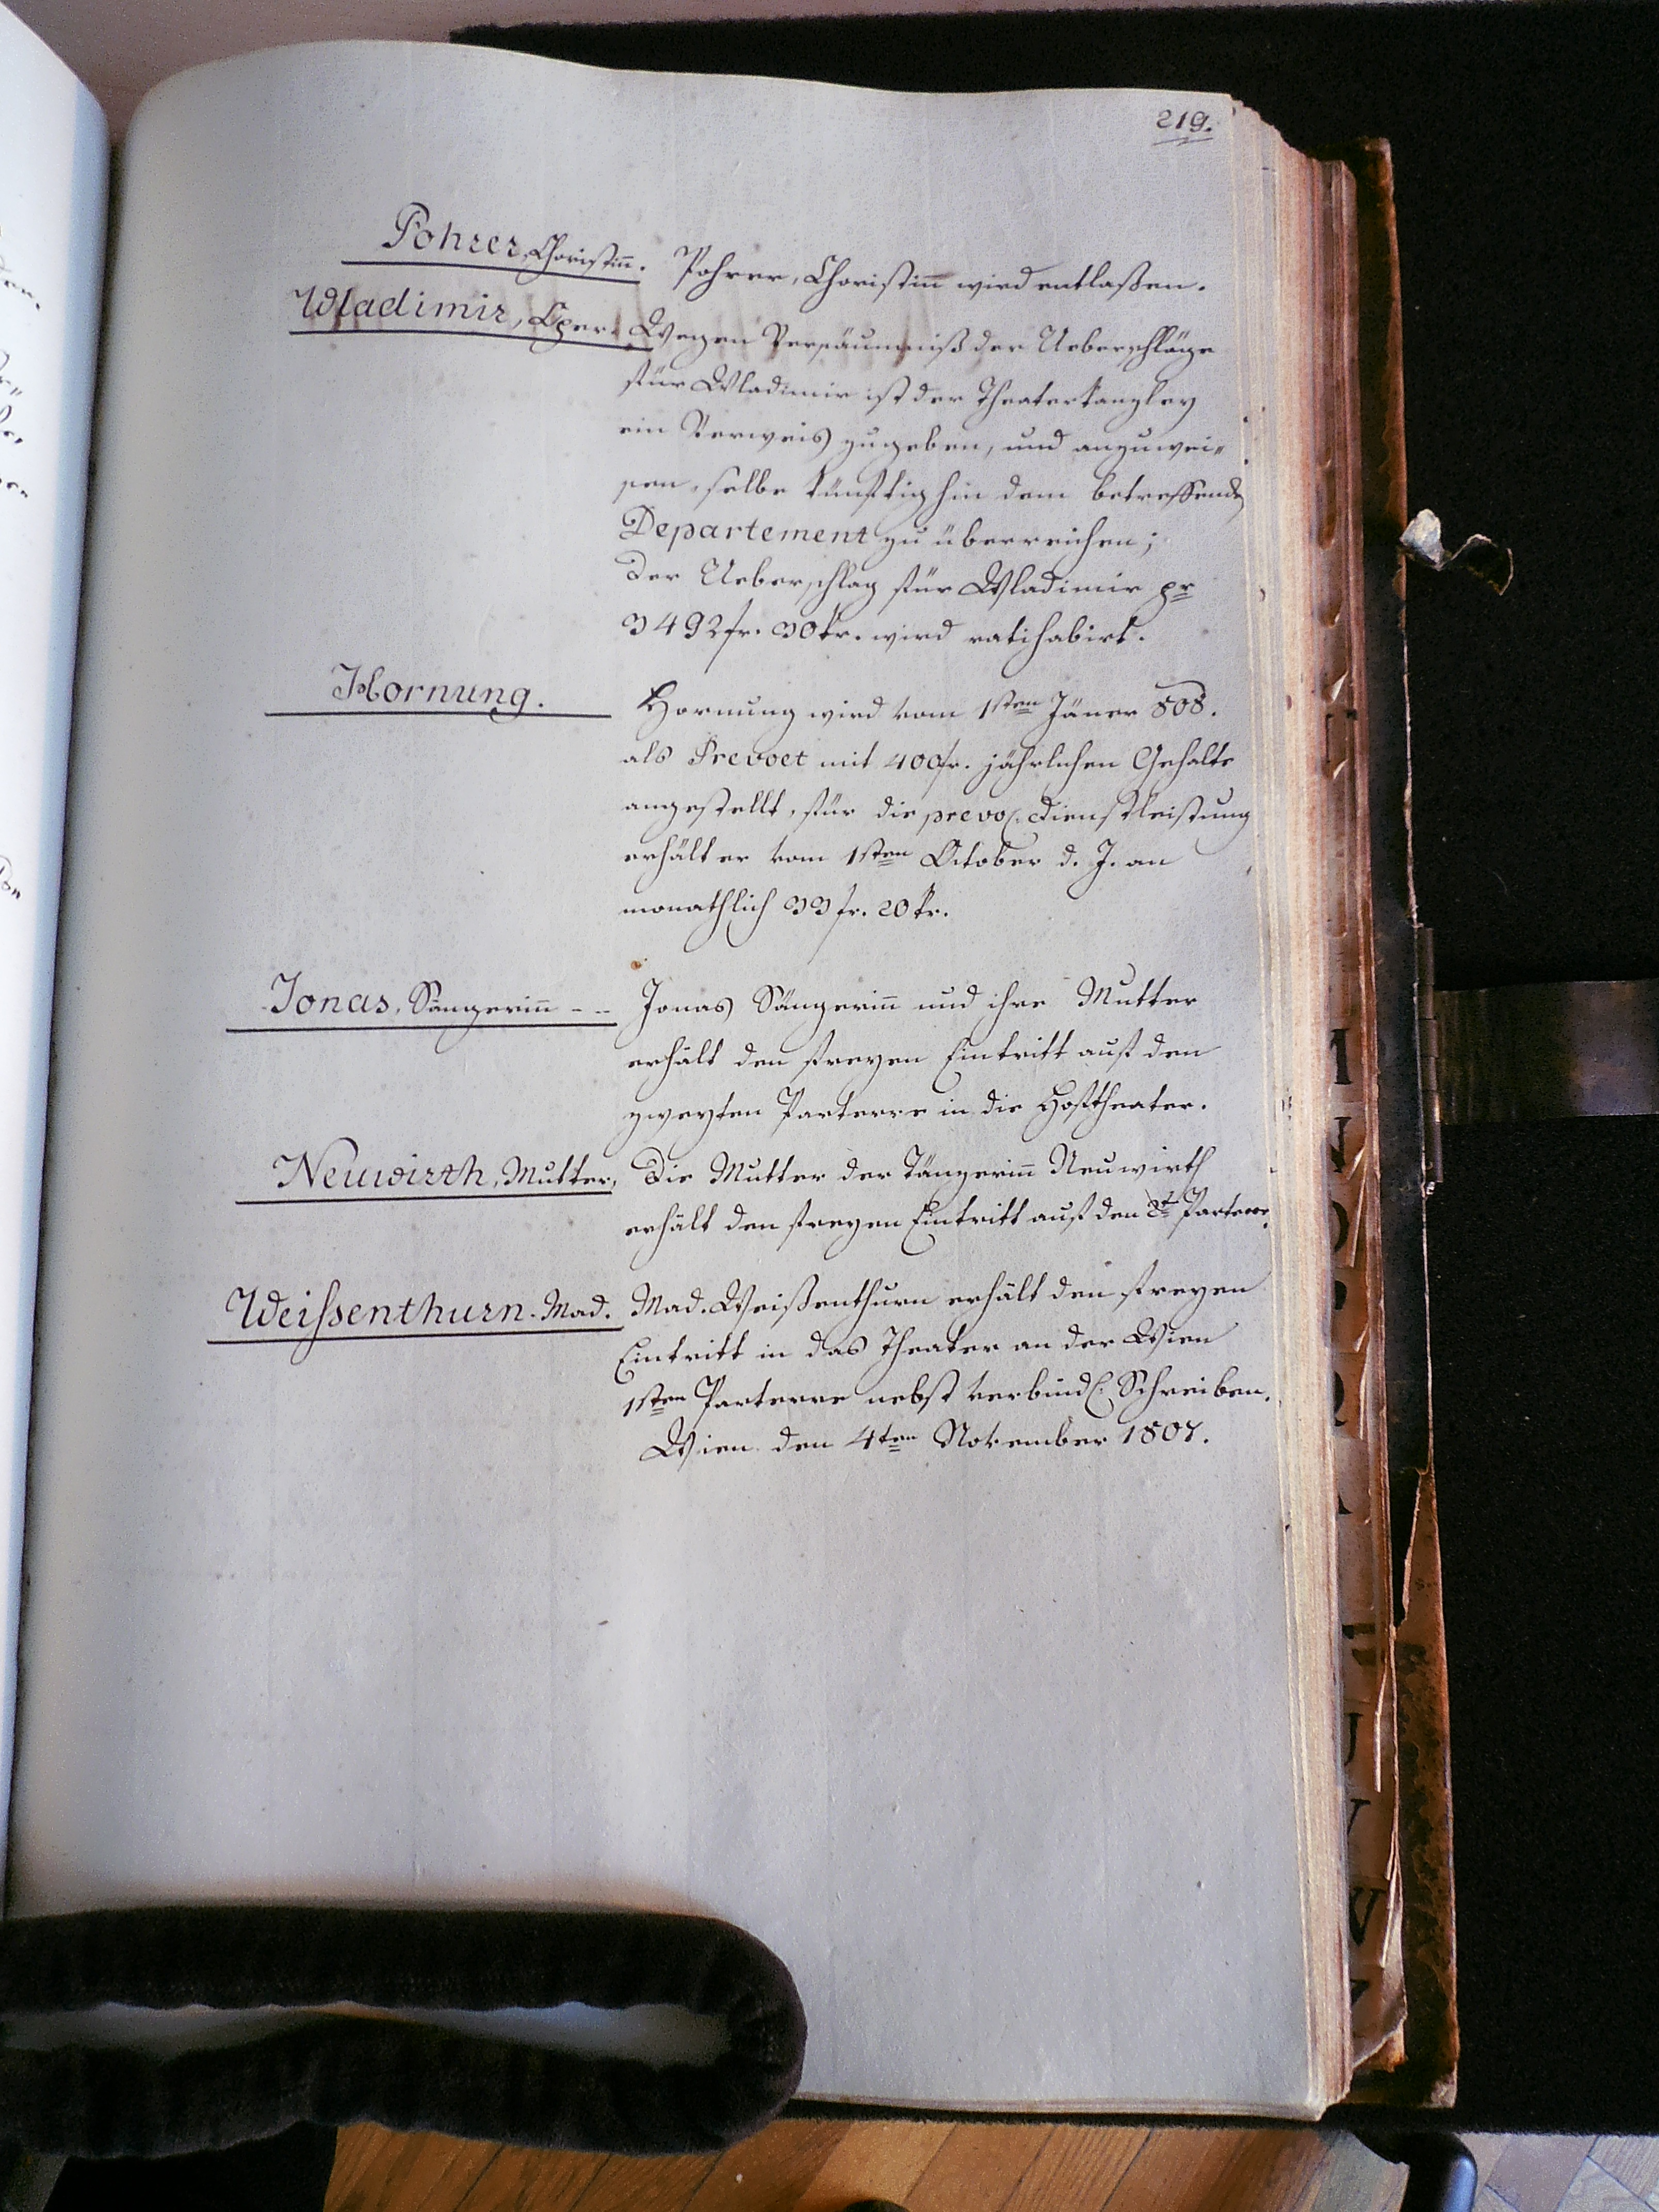219.
Pohrer, Choristin̅. Pohrer, Choristin̅ wird entlaßen.
Wladimir, Oper. Wegen Versäumniß der Ueberschläge
für Wladimir ist der Theaterkanzley
ein Verweis zu geben, und anzuwei¬
sen, selbe künftig hin dem betreffenden
Departement zu überreichen;
der Ueberschlag für Wladimir pr͇
3492fr. 30kr. wird ratihabirt.
Hornung. Hornung wird vom 1ste͇n Jäner 8̅0̅8̅.
als Prevoet mit 400fr. jährlichen Gehalte
angestellt, für die prevoe: Dienstleistung
erhält er vom 1ste͇n October d. J. an
monathlich 33 fr. 20 kr.
Jonas, Sängerin̅ .. .. Jonas Sängerin̅ und ihre Mutter
erhält den freyen Eintritt auf den
zweyten Parterre in die Hoftheater.
Neuwirth, Mutter, Die Mutter der Tänzerin̅ Neuwirth
erhält den freyen Entritt auf den 2t͇e Parterre.
Weissenthurn. Mad. Mad.Weißenthurn erhält den freyen
Eintritt in das Theater an der Wien
1ste͇n Parterre nebst verbindl: Schreiben.
Wien den 4te͇n November 1807.